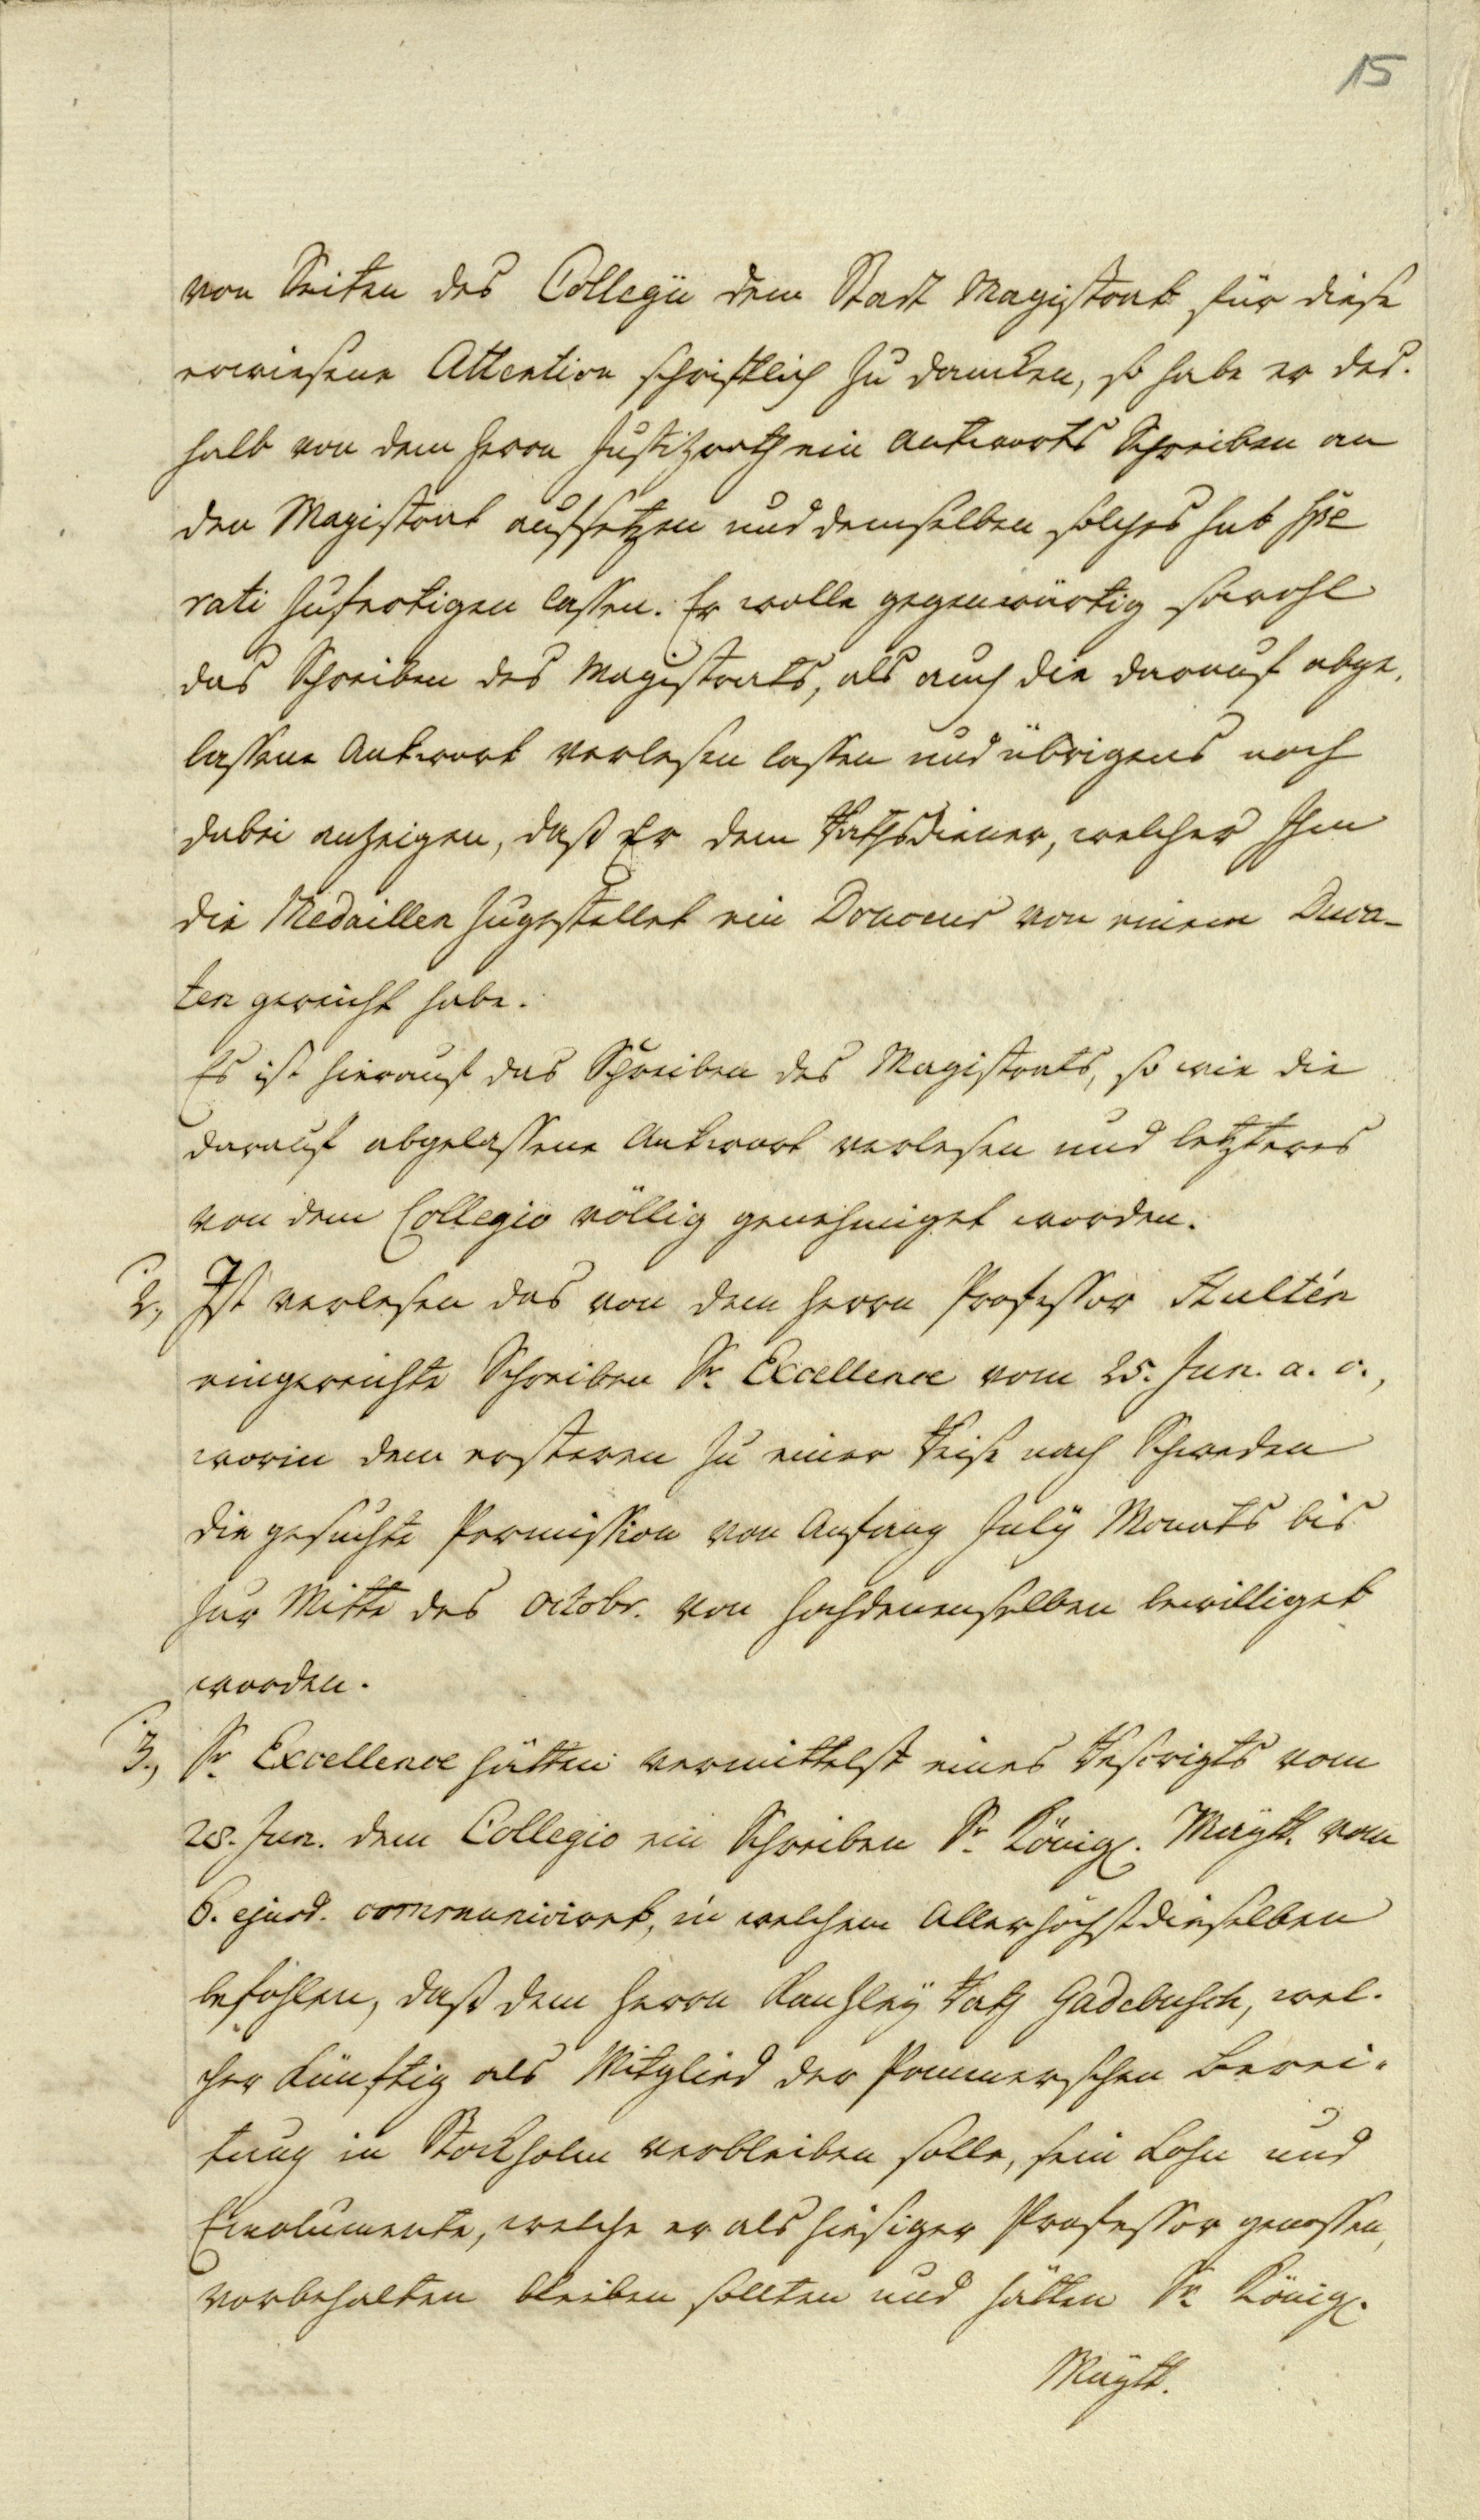von Seiten des Collegii dem Stadt Magistrat für diese
erwiesene Attention schriftlich zu dancken, so habe er des¬
halb von dem herrn Justizrath ein Antworts Schreiben an
den Magistrat aufsetzen und demselben solches sub spe¬
rati zufertigen lassen. Er wolle gegenwärtig sowohl
das Schreiben des Magistrats, als auch die darauf abge¬
lassene Antwort verlesen lassen und übrigens noch
babei anzeigen, daß Er dem Rathsdiener, welcher Ihm
die Medaillen zugestellet, ein Douceur von einem Duca¬
ten gereicht habe.
Es ist hierauf das Schreiben des Magistrats, so wie die
darauf abgelassene Antwort verlesen und letzteres
von dem Collegio völlig genehmiget worden.
2., Ist verlesen das von dem herrn Professor Hultèn
eingereichte Schreiben Sr. Excellence vom 25. Jun. a. c.,
worin dem ersteren zu einer Reise nach Schweden
die gesuchte Permission von Anfang Julÿ Monats bis
zur Mitte des Octobr. von hochdenenselben bewilliget
worden.
3., Sr. Excellence hätten vermittelst eines Rescripts vom
28. Jun. dem Collegio ein Schreiben seiner Königl. Maÿtt. vom
6. ejusd. communiciret, in welchem Allerhöchstdieselben
befohlen, daß dem herrn Kanzleÿ Rath Gadebusch, wel¬
cher künftig als Mitglied der Pommerschen Berei¬
tung in Stockholm verbleiben solle, sein Lohn und
Emolumente, welche er als hiesiger Professor genossen,
vorbehalten bleiben sollten und hätten Sr. Königl.
Maÿtt.